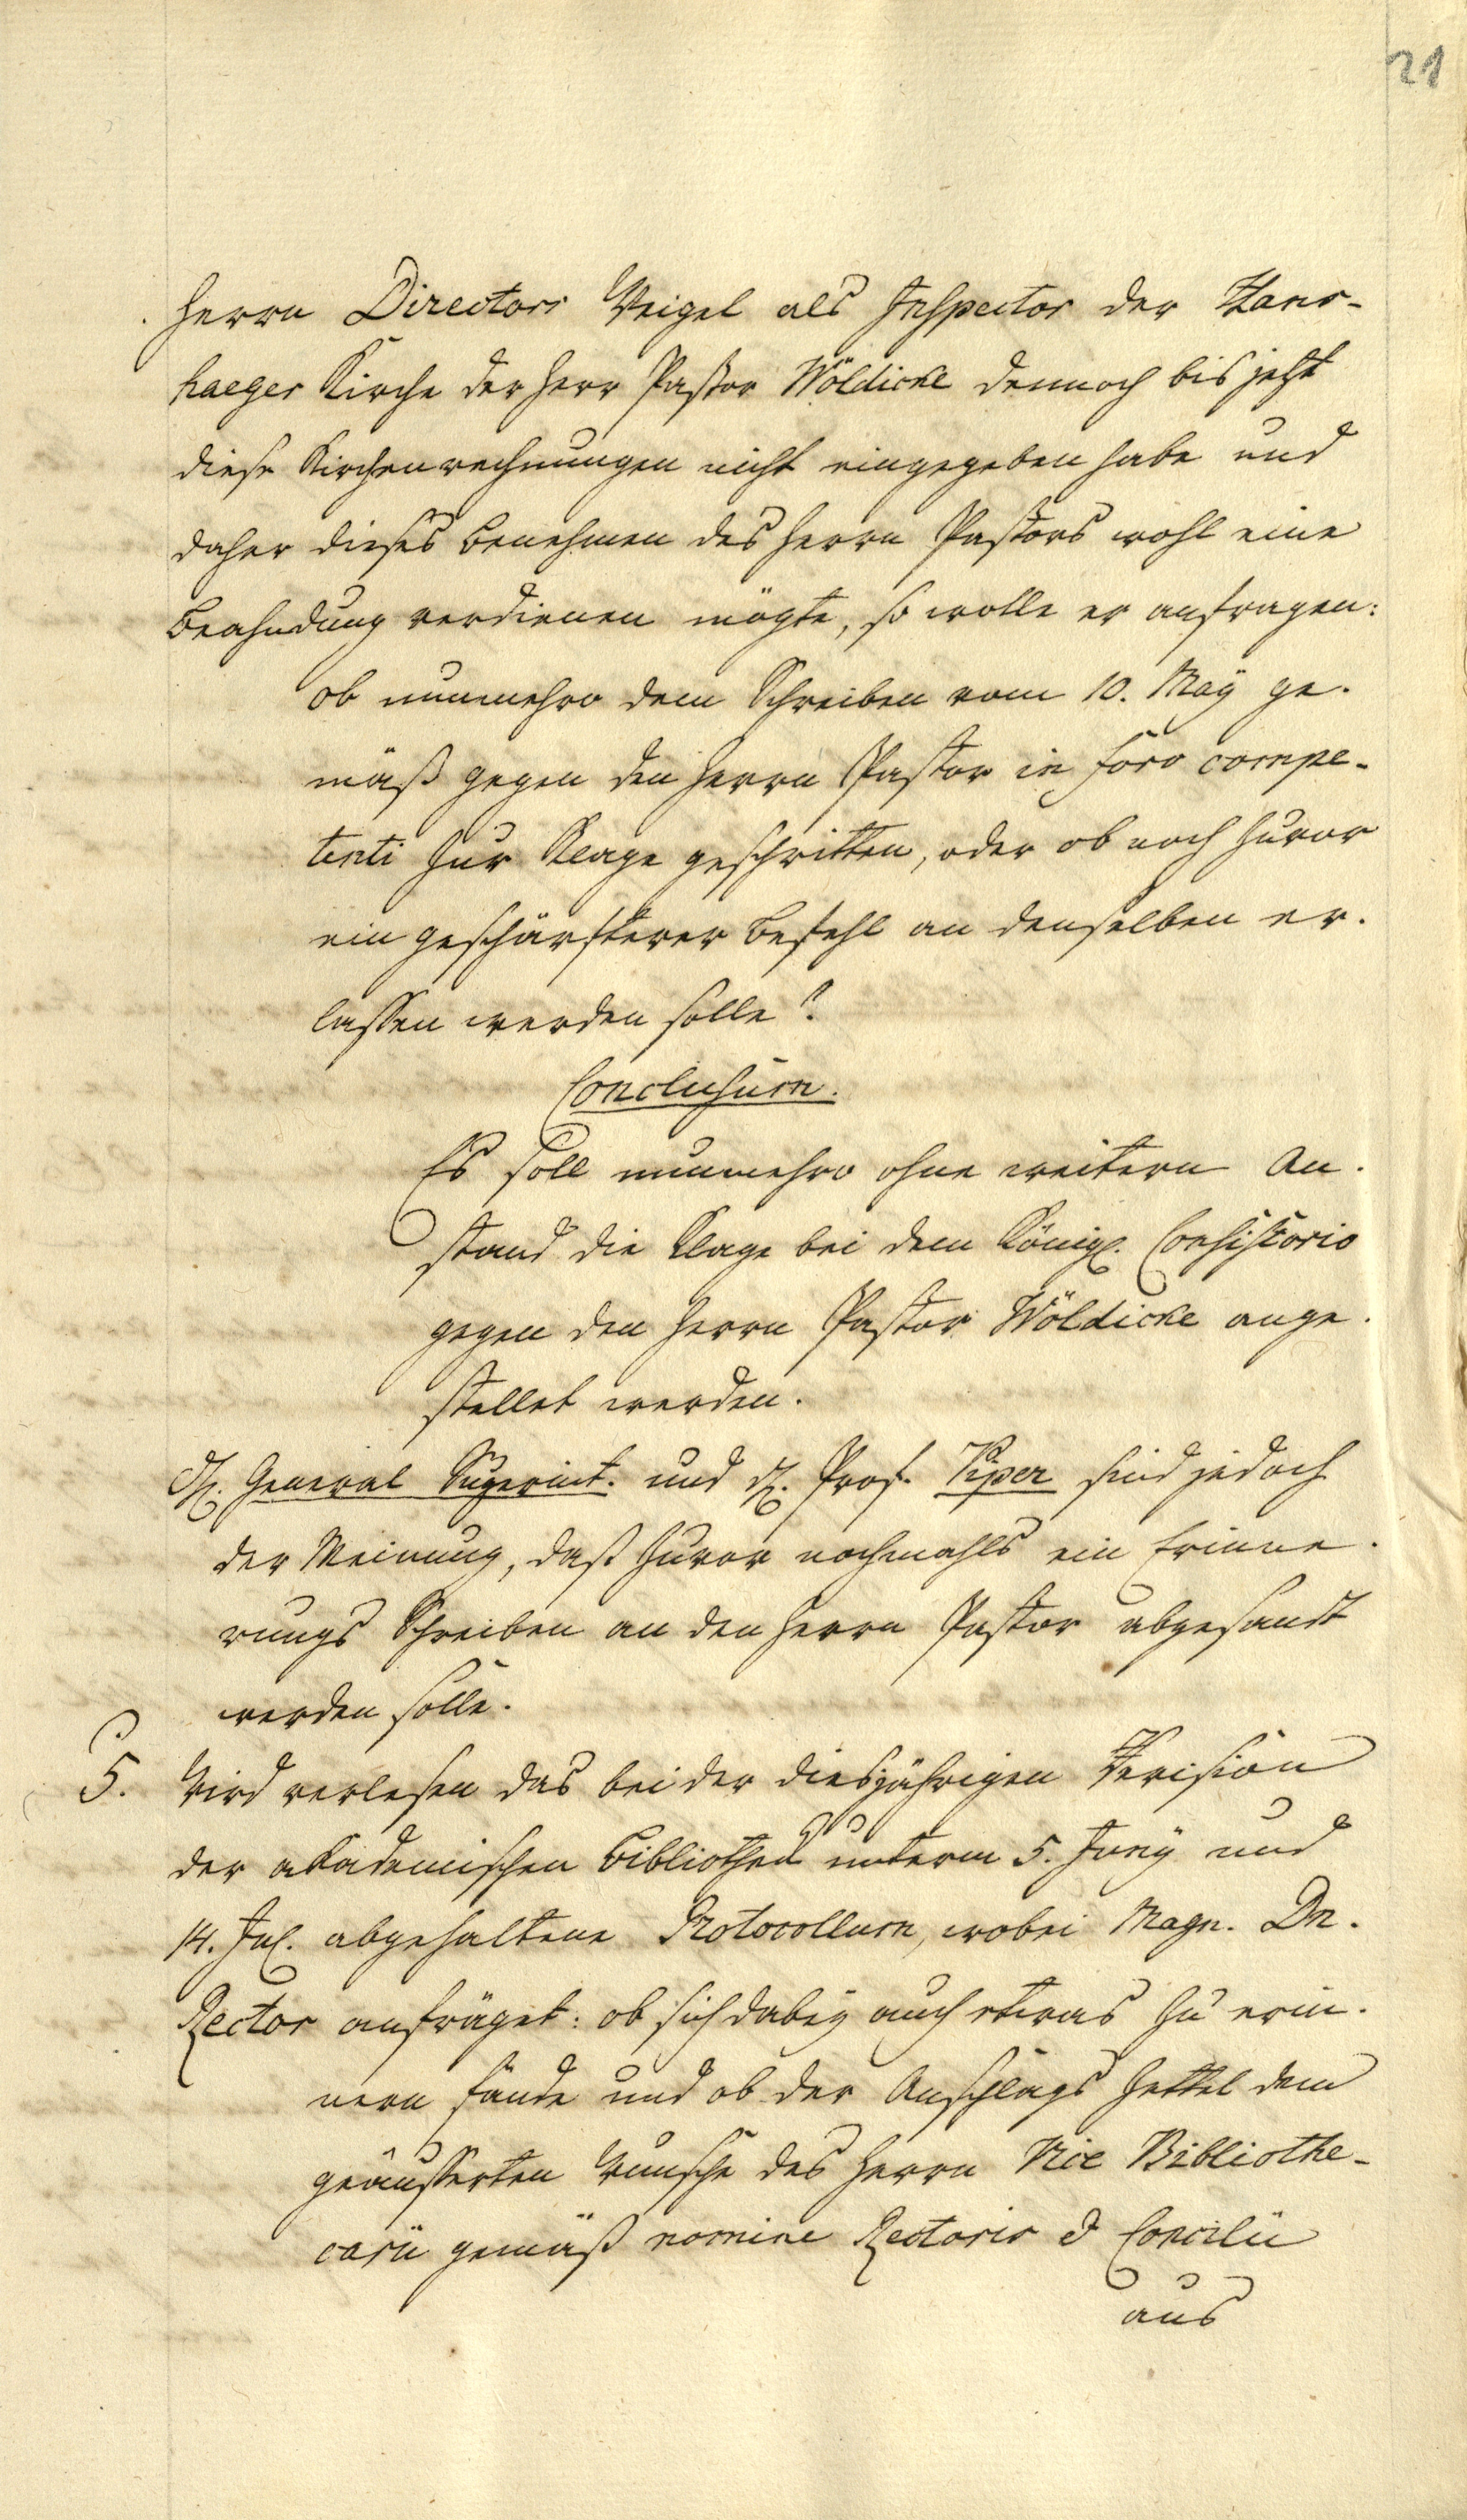Herrn Directors Weigel als Inspector der Hans-
haeger Kirche der Herr Pastor Wöldicke dennoch bis jetzt
diese Kirchenrechnungen nicht eingegeben habe und
daher dieses Benehmen des Herrn Pastors wohl eine
Beahndung verdienen mögte, so wolle er anfragen:
ob nunmehro dem Schreiben vom 10. May ge-
mäß gegen den herrn Pastor in foro compe-
tenti zur Klage geschritten, oder ob noch zuvor
ein geschärfterer Befehl an denselben er-
lassen werden solle?
Conclusum.
Es soll nunmehro ohne weitern An-
stand die Klage bei dem Königl. Consistorio
gegen den Herrn Pastor Wöldicke ange-
stellet werden.
dh. General Superint. und dh. Porf. Piper sind jedoch
der Meinung, daß zuvor nochmahls ein Erinne-
rungs Schreiben an den herrn Pastor abgesandt
werden solle.
5., Wird verlesen das bei der diesjährigen Revision
der akademsichen Bibliothek unterm 5. Juny und
14. Jul. abgehaltene Protocollum, wobei Magn. Dn.
Rector anfräget: ob sich dabey auch etwas zu erin-
nern fände und ob der Anschlags Zettel dem
geäusserten Wunsche des Herrn vice Bibliothe-
carii gemäß nomine Rectoris et Concilii
aus